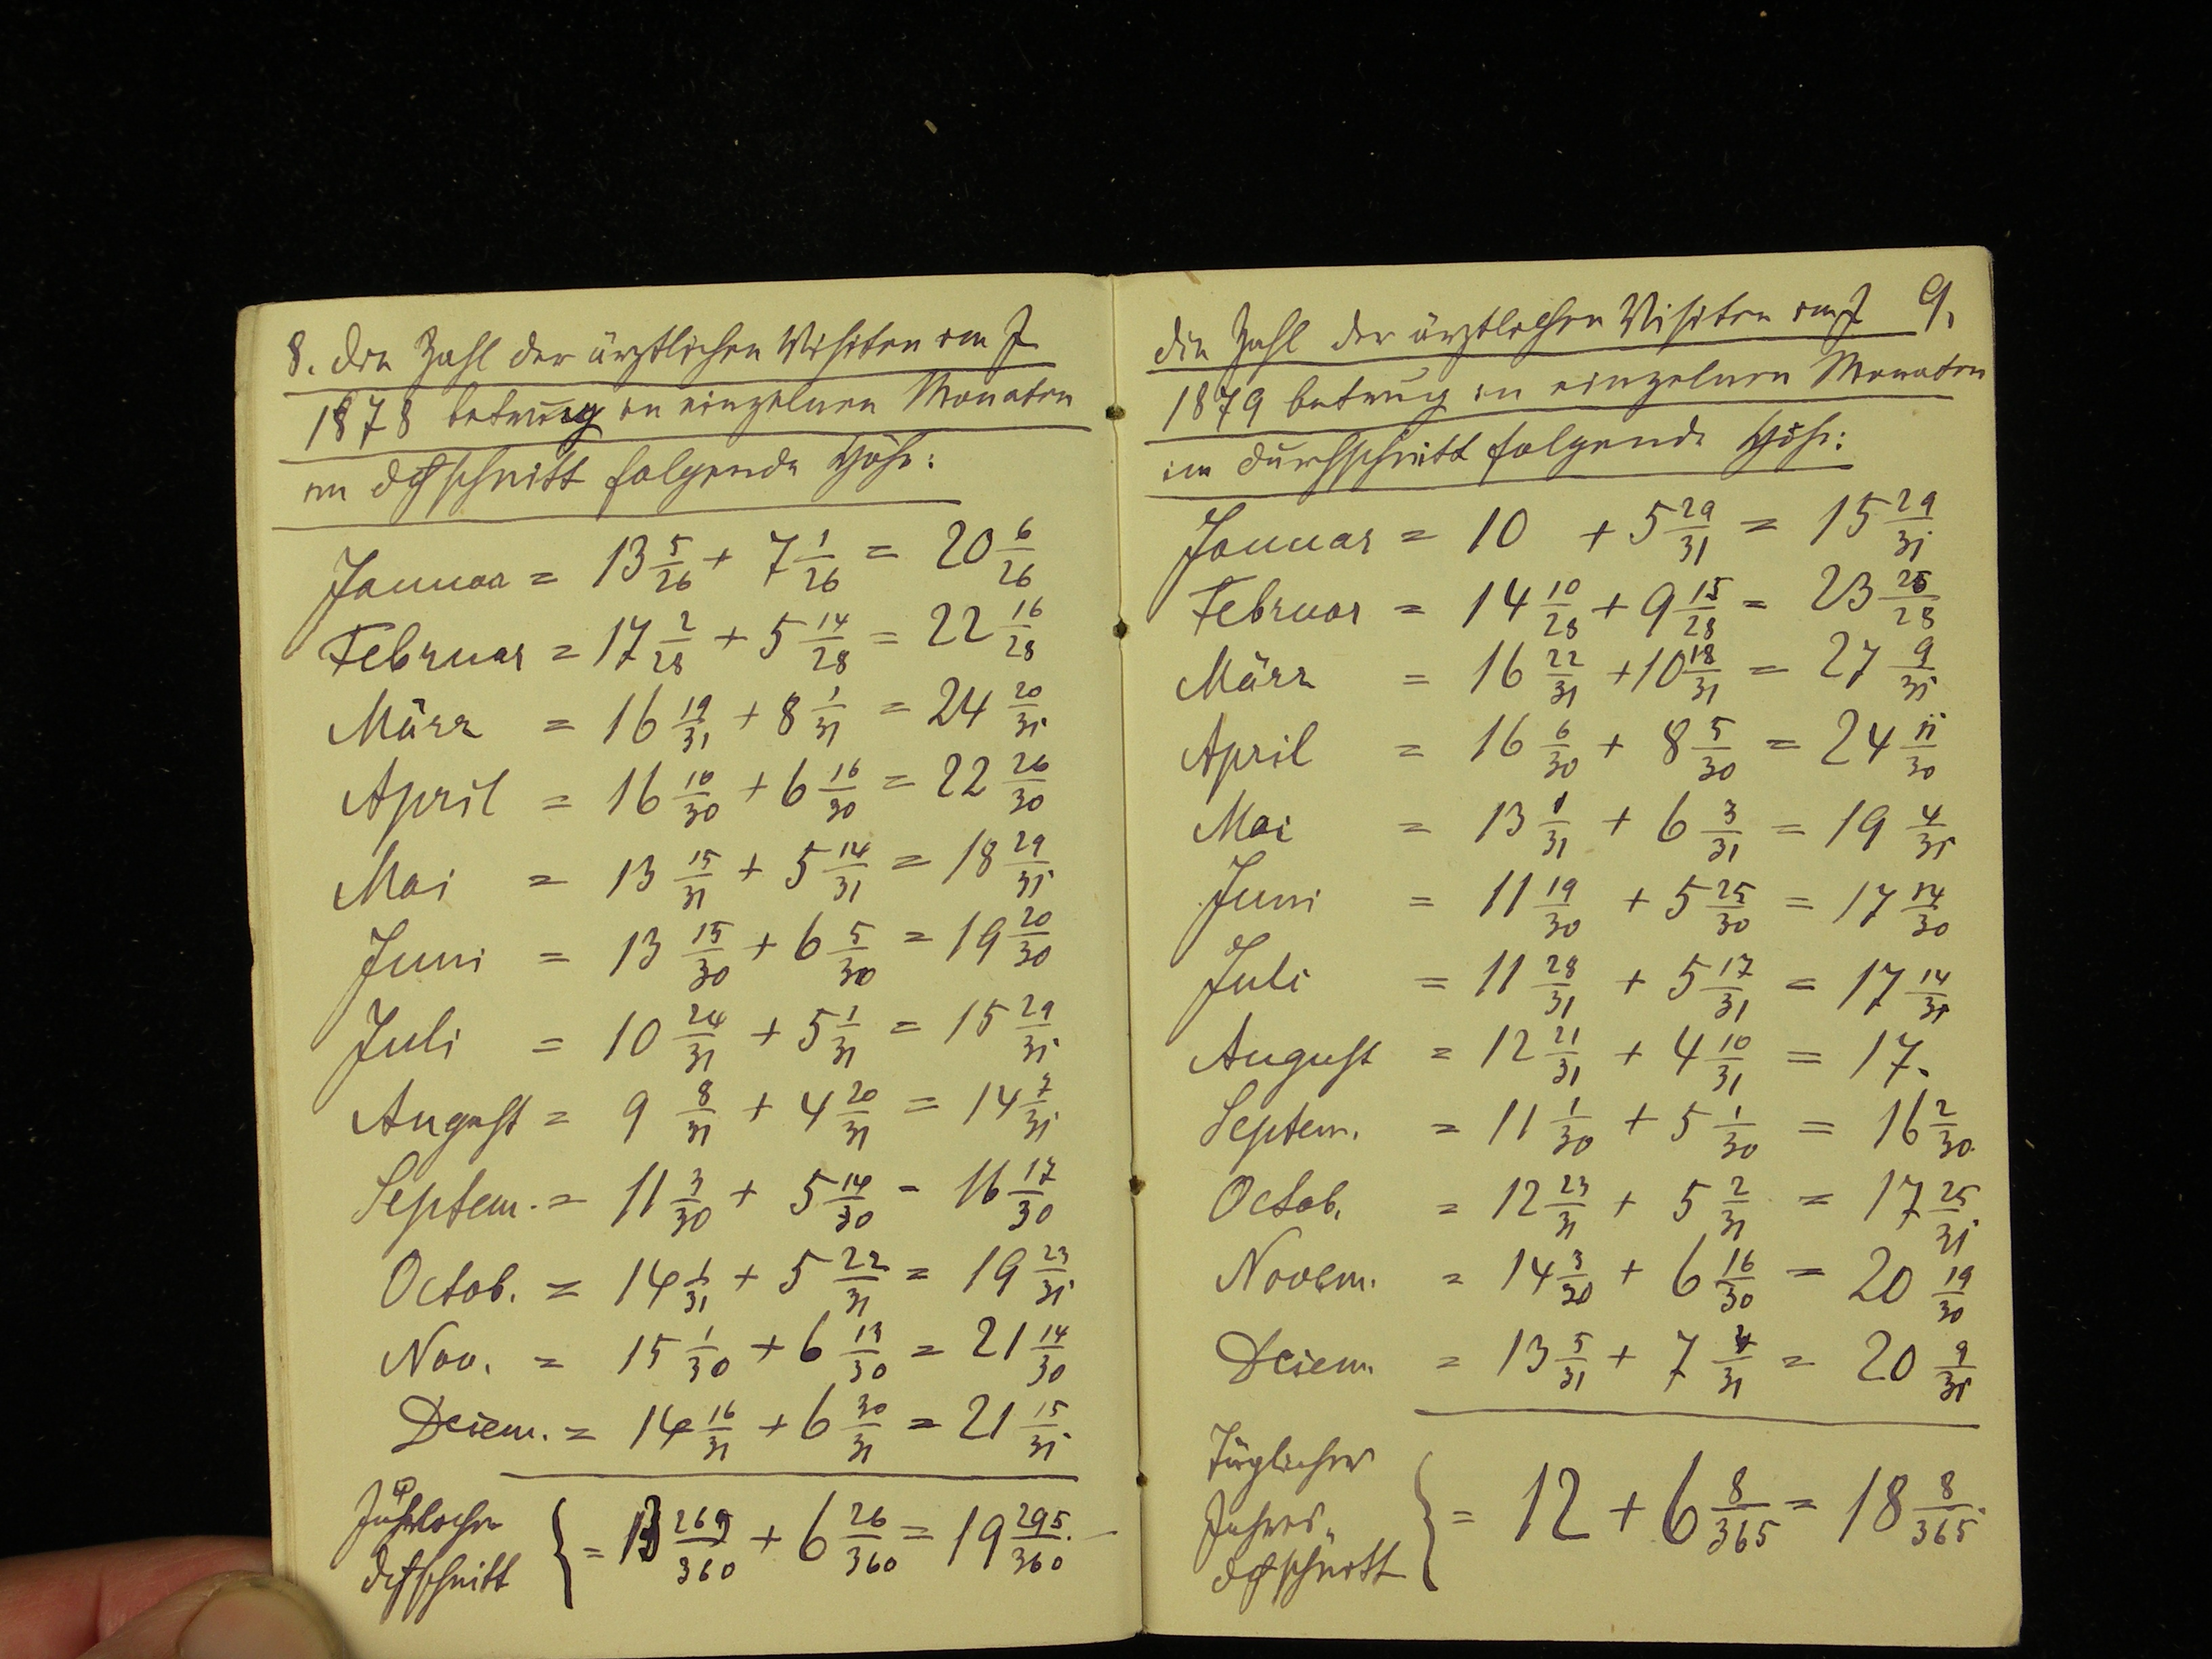8
Die Zahl der ärztlichen Visiten im Jahr
1878 betrug in einzelnen Monaten
im Durchschnitt folgende Höhe:
Januar = 13 5/26 + 7 1/26 = 20 6/26
Februar = 17 2/28 + 5 14/28 = 22 16/28
März = 16 19/31 + 8 1/31 = 24 20/31
April = 16 10/30 + 6 16/30 = 22 26/30
Mai = 13 15/31 + 5 14/31 = 18 29/31
Juni = 13 15/30 + 6 5/31 = 19 20/31
Juli = 10 24/31 + 5 1/31 = 15 29/31
August = 9 8/31 + 4 20/31 = 14 7/31
Septem. = 11 3/30 + 5 14/30 = 16 17/30
Octob. = 14 1/31 + 5 22/31 = 19 23/31
Novem. = 15 16/30 + 6 13/30 = 21 14/30
Decem. = 14 16/31 + 6 30/31 = 21 15/31
Jahres-
Durchschnitt
= 13 269/360 + 6 26/360 = 19 295/360
9
Die Zahl der ärztlichen Visiten im Jahr
1879 betrug in einzelnen Monaten
im Durchschnitt folgende Höhe:
Januar = 10 + 5 29/31 = 15 29/31
Februar = 14 10/28 + 9 15/28 = 23 25/28
März = 16 22/31 + 10 18/31 = 27 9/31
April = 16 6/30 + 8 5/30 = 24 11/30
Mai = 13 1/31 + 6 3/31 = 19 4/31
Juni = 11 19/30 + 5 25/30 = 17 14/30
Juli = 11 28/31 + 5 17/31 = 17 14/31
August = 12 21/31 + 4 10/31 = 17
Septem. = 11 1/30 + 5 1/30 = 16 2/30
Octob. = 12 23/31 + 5 2/31 = 17 25/31
Novem. = 14 3/30 + 6 16/30 = 20 19/30
Decem. = 13 5/31 + 7 4/31 = 20 9/31
Täglicher
Jahres-
Durchschnitt
= 12 6/365 + 6 8/365 = 18 8/365